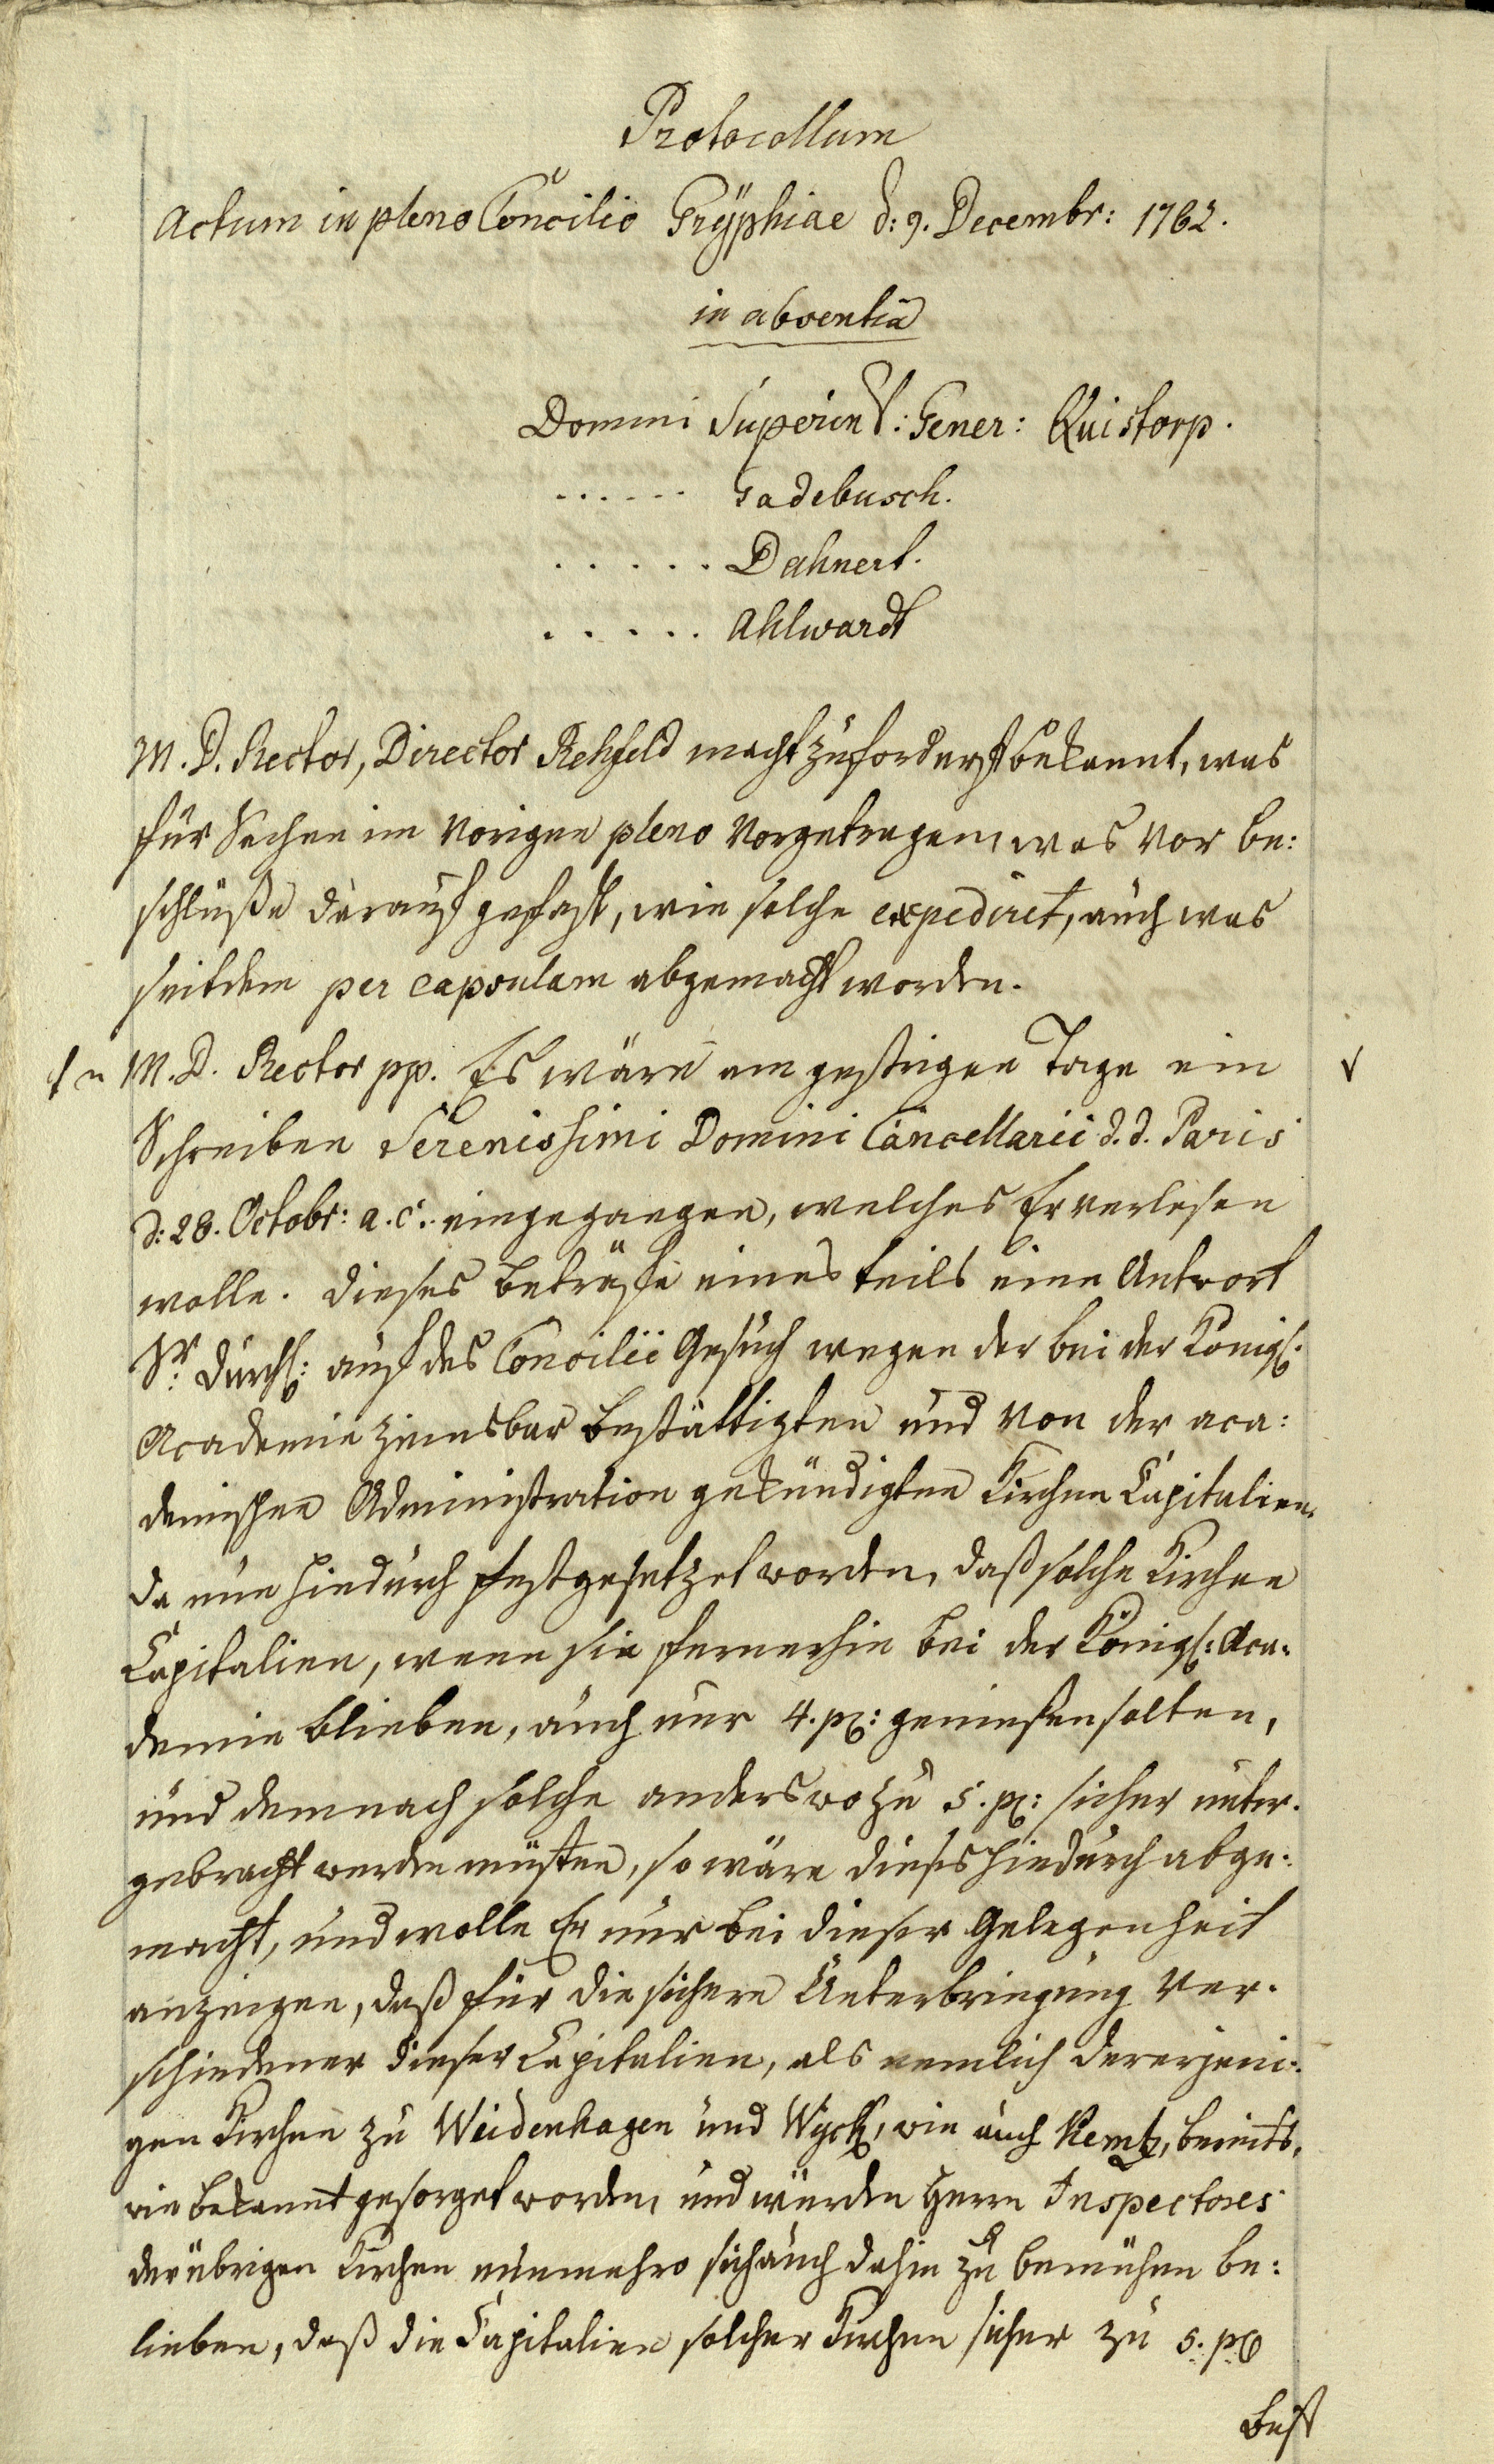Protocollum
Actum in pleno Concilio Grÿphiae d. 9. Decembr. 1782.
in absentia
Domini Superint. Gener. Quistorp.
Gadebusch.
Dähnert.
Ahlwardt
M. D. Rector, Director Rehfeld macht zuforderst bekannt, was
für Sachen im vorigen pleno vorgetragen, was vor Be¬
schlüße darauf gefast, wie solche expediret, auch was
seitdem per capsulam abgemacht worden.
1. M. D. Rector pp. Es wäre am gestrigen Tage ein
Schreiben Serenissimi Domini Cancellarii d. d. Paris
d. 28. Octobr. a. c. eingegangen, welches Er verlesen
wolle. Dieses beträfe eines theils eine Antwort
Sr. Durchl. auf des Concilii Gesuch wegen der bei der Königl.
Academie zinnsbar bestättigten und von der aca¬
demischen Administration gekündigten Kirchen Capitalien,
da nun hiedurch festgesetzet worden, daß solche Kirchen
capitalien, wenn sie fernerhin bei der Königl. Aca¬
demie blieben, auch nur 4. p. genießen solten,
und demnach solche anderswo zu 5. p. sicher unter¬
gebracht werden müsten, so wäre dieses hiedurch abge¬
macht, und wolle Er nur bei dieser Gelegenheit
anzeigen, daß für die sichere Unterbringung ver¬
schiedener dieser Capitalien, als nemlich dererjeni¬
gen Kirchen zu Weidenhagen und Wÿck, wie auch Kemtz, bereits,
wie bekannt gesorget worden,, und würden Herrn Inspectores
der übrigen Kirchen nunmehro sich auch dahin zu bemühen be¬
lieben, daß die Capitalien solcher Kirchen sicher zu 5. p.
best